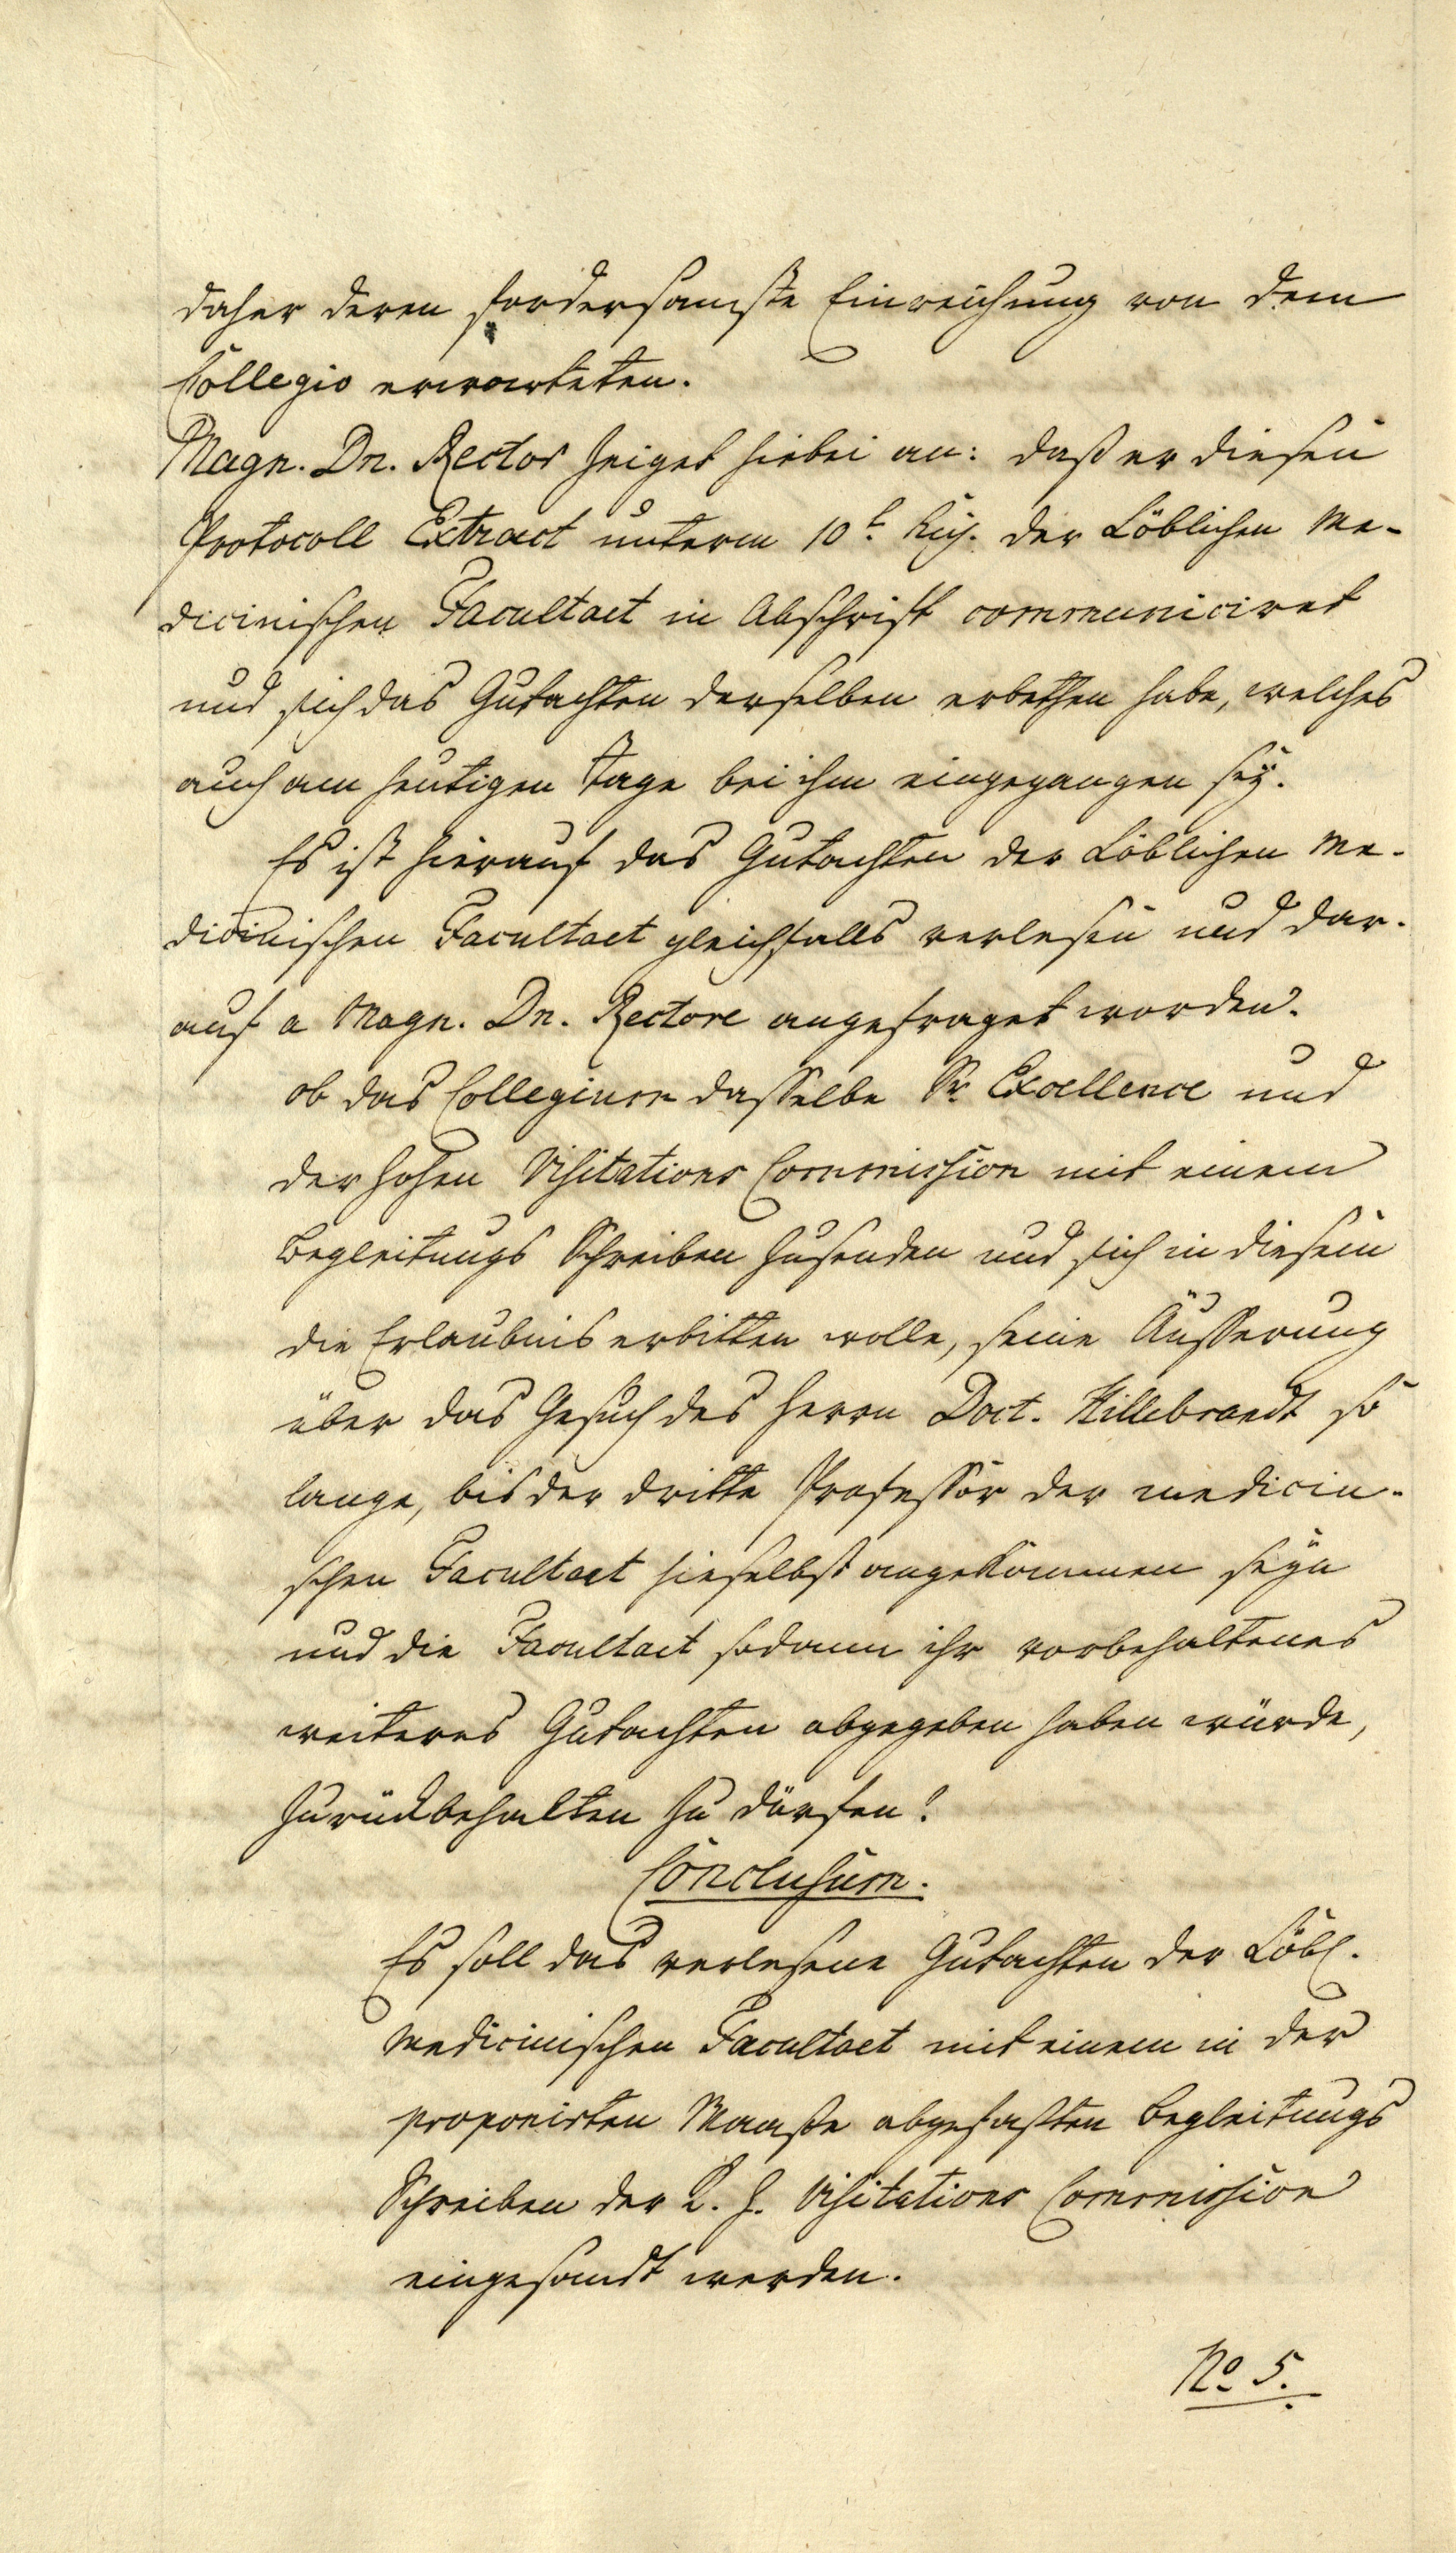daher deren fordersamste Einreichung von dem
Collegio erwarteten.
Magn. Dn. Rector zeiget hiebei an: daß er diesen
Protocoll Extract unterm 10ten huj. der Löblichen Me-
dicinischen Facultaet in Abschrift communiciret
und sich das Gutachten derselben erbethen habe, welches
auch am heutigen Tage bei ihm eingegangen sey.
Es ist hierauf das Gutachten der Löblichen Me-
dicinischen Facultaet gleichfalls verlesen und dar-
auf a Magn. Dn. Rectore angefraget worden.
ob das Collegium dasselbe Sr. Excellence und
der hohen Visitations Commission mit einem
Begleitungs Schreiben zusenden und sich in diesem
die Erlaubnis erbitten wolle, seine Äusserung
über das Gesuch des Herrn Doct. Hillebrandt so
lange, bis der dritte Professor der medicin-
schen Facultaet hieselbst angekommen seyn
und die Facultaet sodann ihr vorbehaltenes
weiteres Gutachten abgegeben haben würde,
zurückbehalten zu dürfen?
Conclusum.
Es soll das verlesene Gutachten der Löbl.
Medicinischen Facultaet mit einem in der
proponirten Maaße abgefaßten Begleitungs
Schreiben der K. h. Visitations Commisison
eingesandt werden.
No 5.